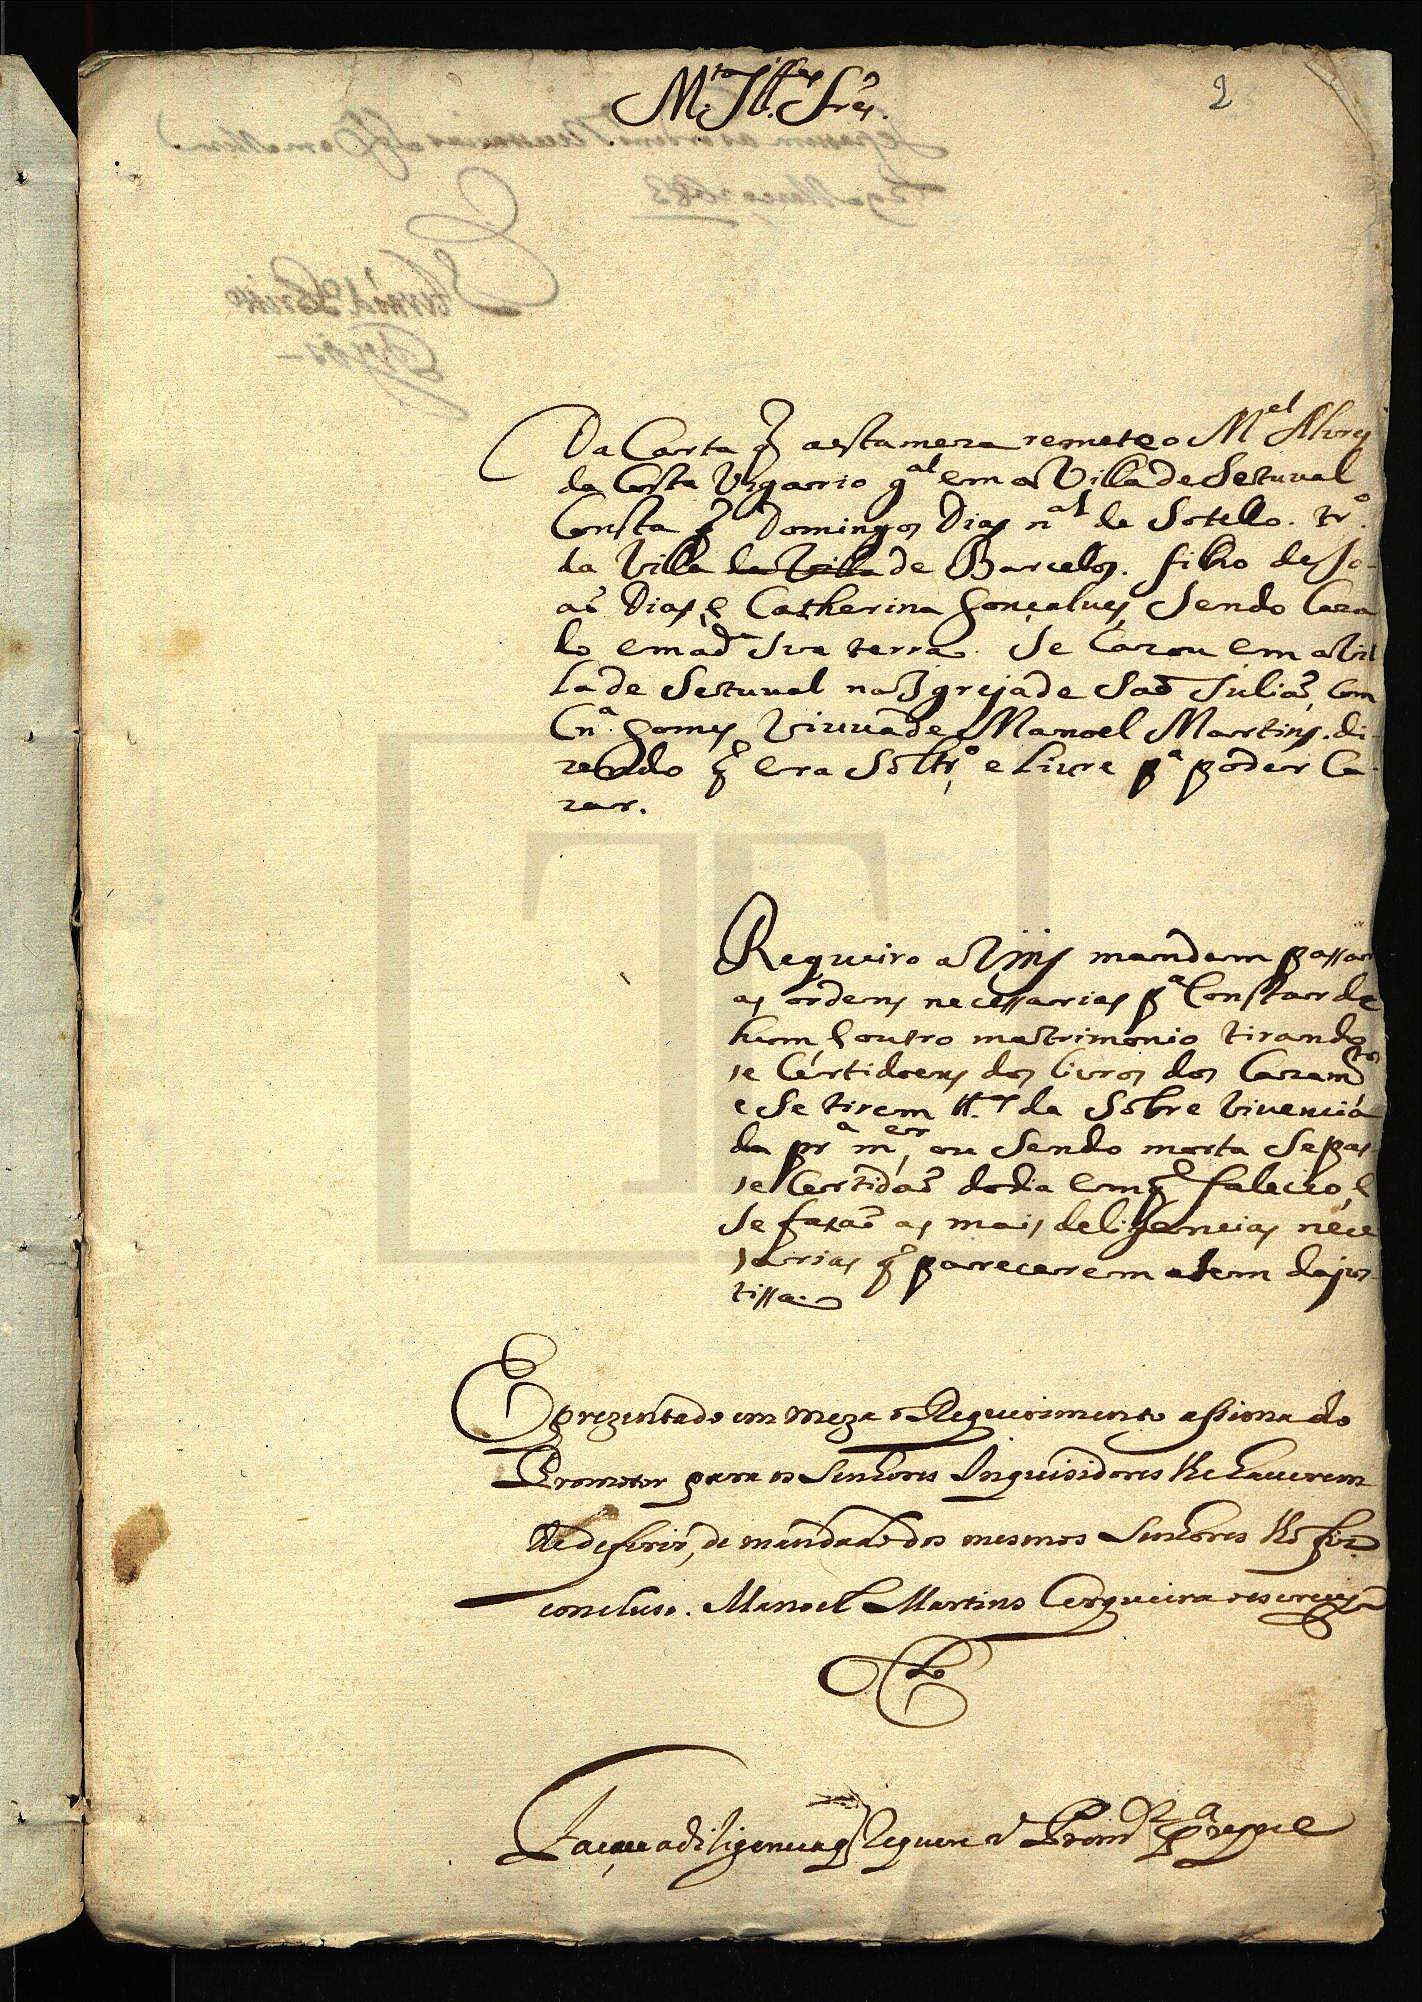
M.to Ill̄.es Srēs.
Da Carta q̄ a esta meza remeteo Mel Alures
da Costa Vigario gal em a Villa de Setuual
Consta q̄ Domingos Dias nal de Sotello. tro.
da Villa da Villa de Barcellos filho de Jo
aõ Dias, e Catherina Gonçalues, Sendo Caza
do em a da sua terra. Se Cazou em a Vi
la de Setuual na Igreja de Saõ Iuliaõ, Com
Cn.a Gomes Viuua de Manoel Martins. di
zendo q̄ era Soltro, e livre p.a poder Ca
zar.
Requeiro a V m̄s mandem passar
as ordens necessarias pa Constar de
hum e outro matrimonio tirando
se Certidoens dos liuros dos Cazamtos
e se tirem tt.as de Sobreviuencia
da pra mer, ou Sendo morta se pas
se certidaõ do dia em q̄ faleceo, e
se faraõ as mais deligencias nece
sarias q̄ parecerem a bem da jus
tissa.
E prezentado em meza o Requerimento assima do
Promotor para os Senhores Inquisidores lhe hauerem
de deferir, de mandado dos mesmos Senhores lho fiz
concluso. Manoel Martins Cerqueira o escreuj
CLo
Façace a diligencia q̄ Requere o Promor pa o que
